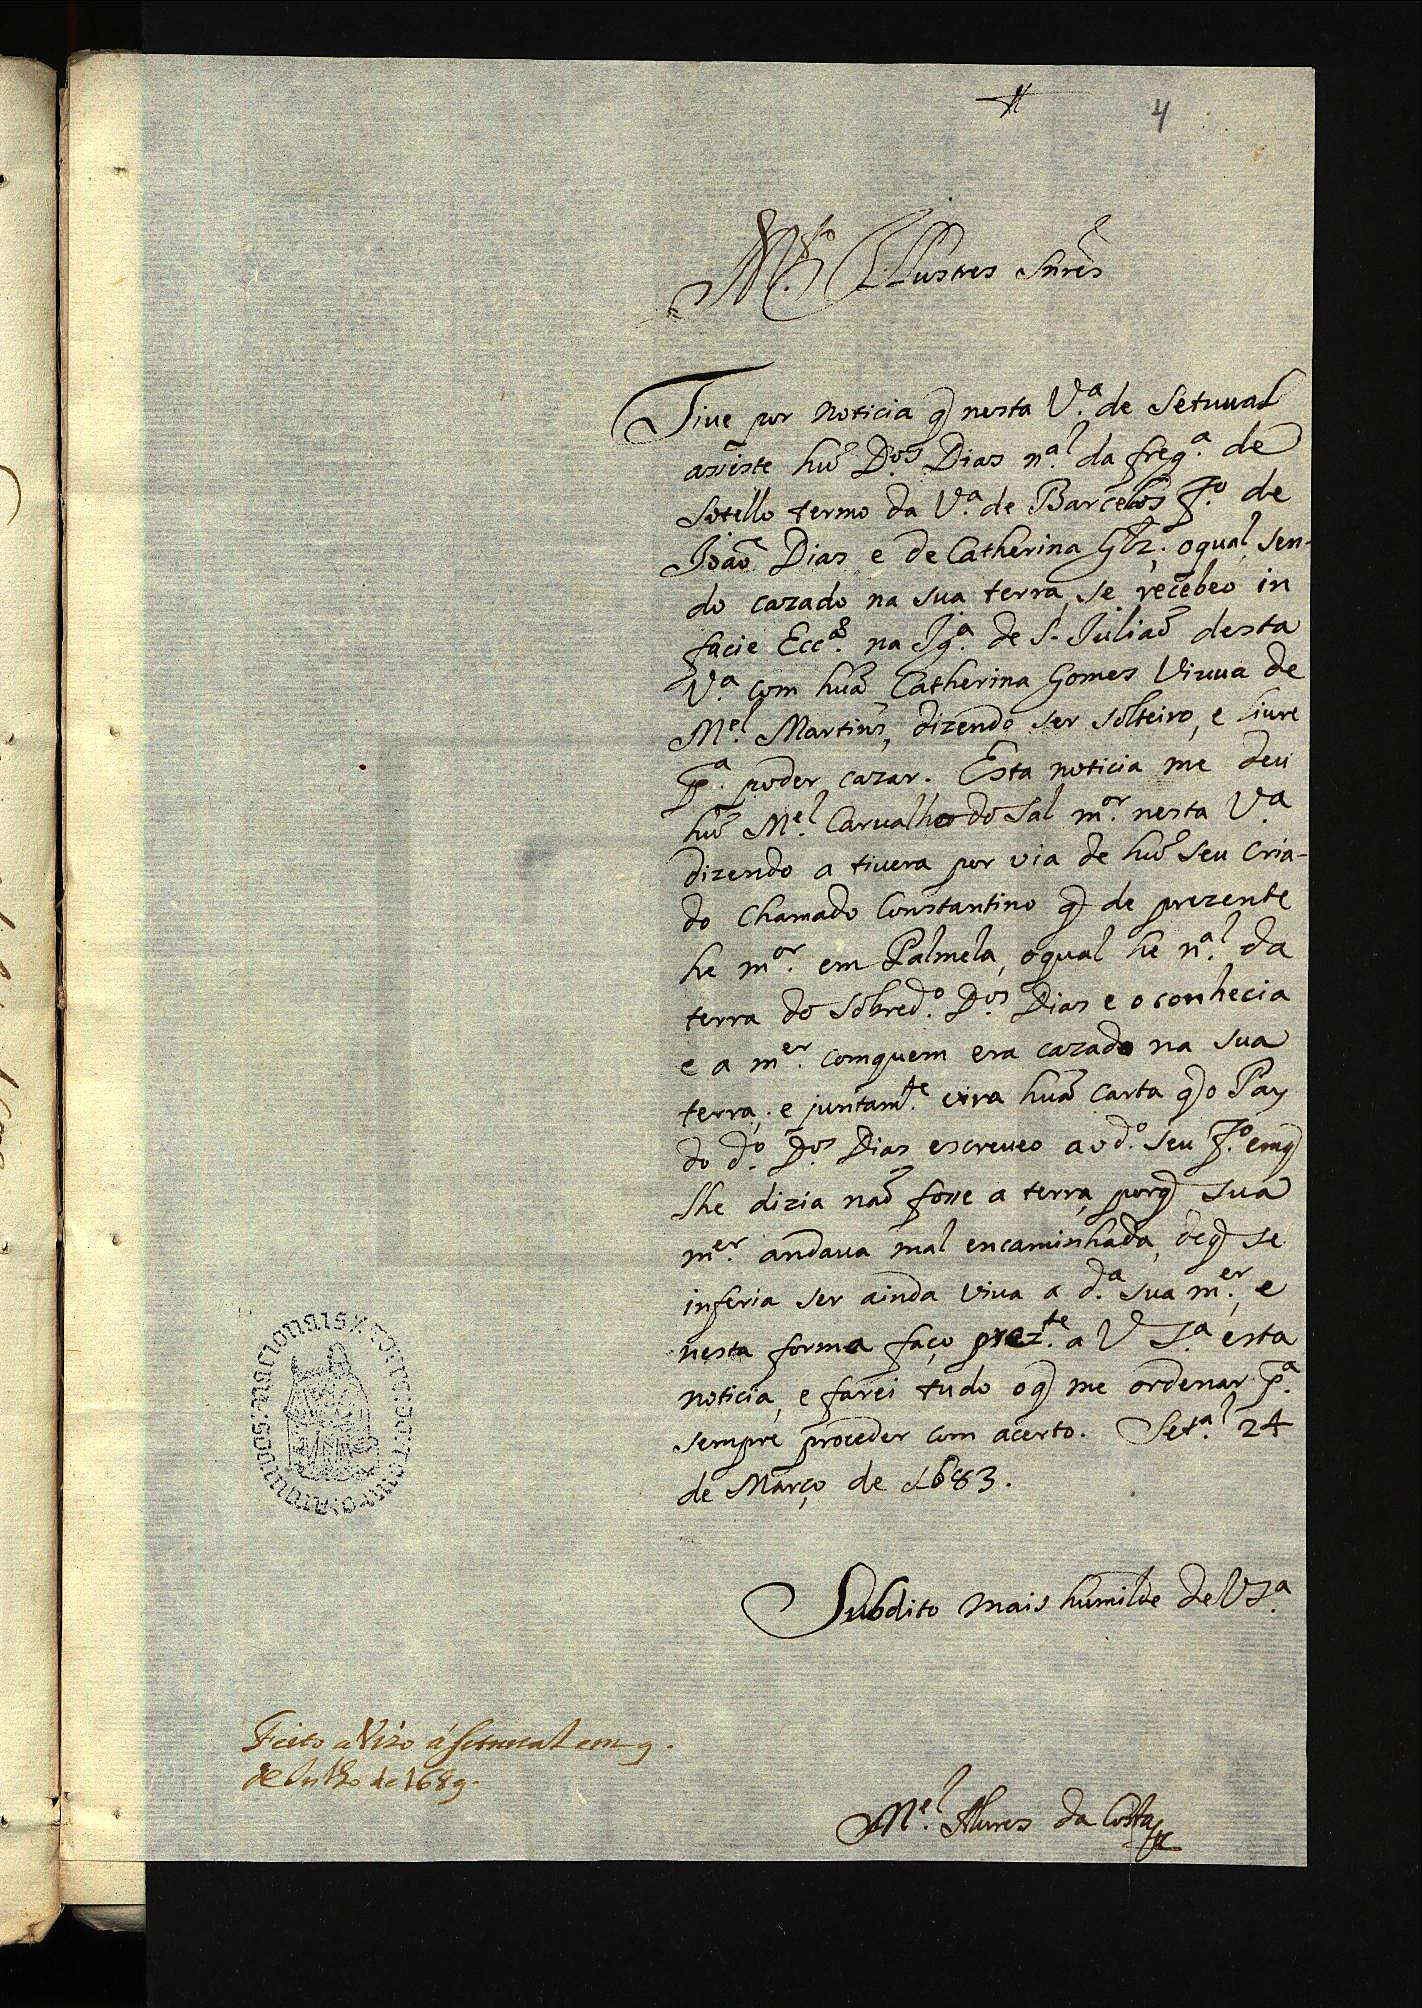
Feito aVizo á setuual em 9.
de Iulho de 1689.
M.to Jllustres Snres̄
Tiue por noticia q̄ nesta V.a de Setuual
assiste hū D.os Dias n.al da freg.a de
Sotello termo da V.a de Barcelos f.o de
Ioaõ Dias e de Catherina Glz̄; o qual sen
do cazado na sua terra, se recebeo in
facie Ecc.æ na Ig.a de S. Iuliaõ desta
V.a com huā Catherina Gomes Viuua de
Me.l Martins, dizendo ser solteiro, e liure
p.a poder cazar. Esta noticia me deu
hū M.el Carualho do Sal mo.r nesta V.a
dizendo a tiuera por via de hū seu cria
do chamado Constantino q̄ de prezente
he mor. em Palmela, o qual he n.al da
terra do sobred.o D.os Dias e o conhecia
e a me.r com quem era cazado na sua
terra; e juntam.te vira huā carta q̄ o Pay
do d.o D.os Dias escreueo ao d.o seu f.o em q̄
lhe dizia naõ fosse a terra, porq̄ sua
mer. andaua mal encaminhada, de q̄ se
inferia ser ainda viua a d.a sua me.r, e
nesta forma faço prez.te a V S.a esta
noticia, e farei tudo o q̄ me ordenar p.a
sempre proceder com acerto. Seta.l 24
de Março de 1683.
Subdito mais humilde de V S.a
Me.l Nunes da Costa
